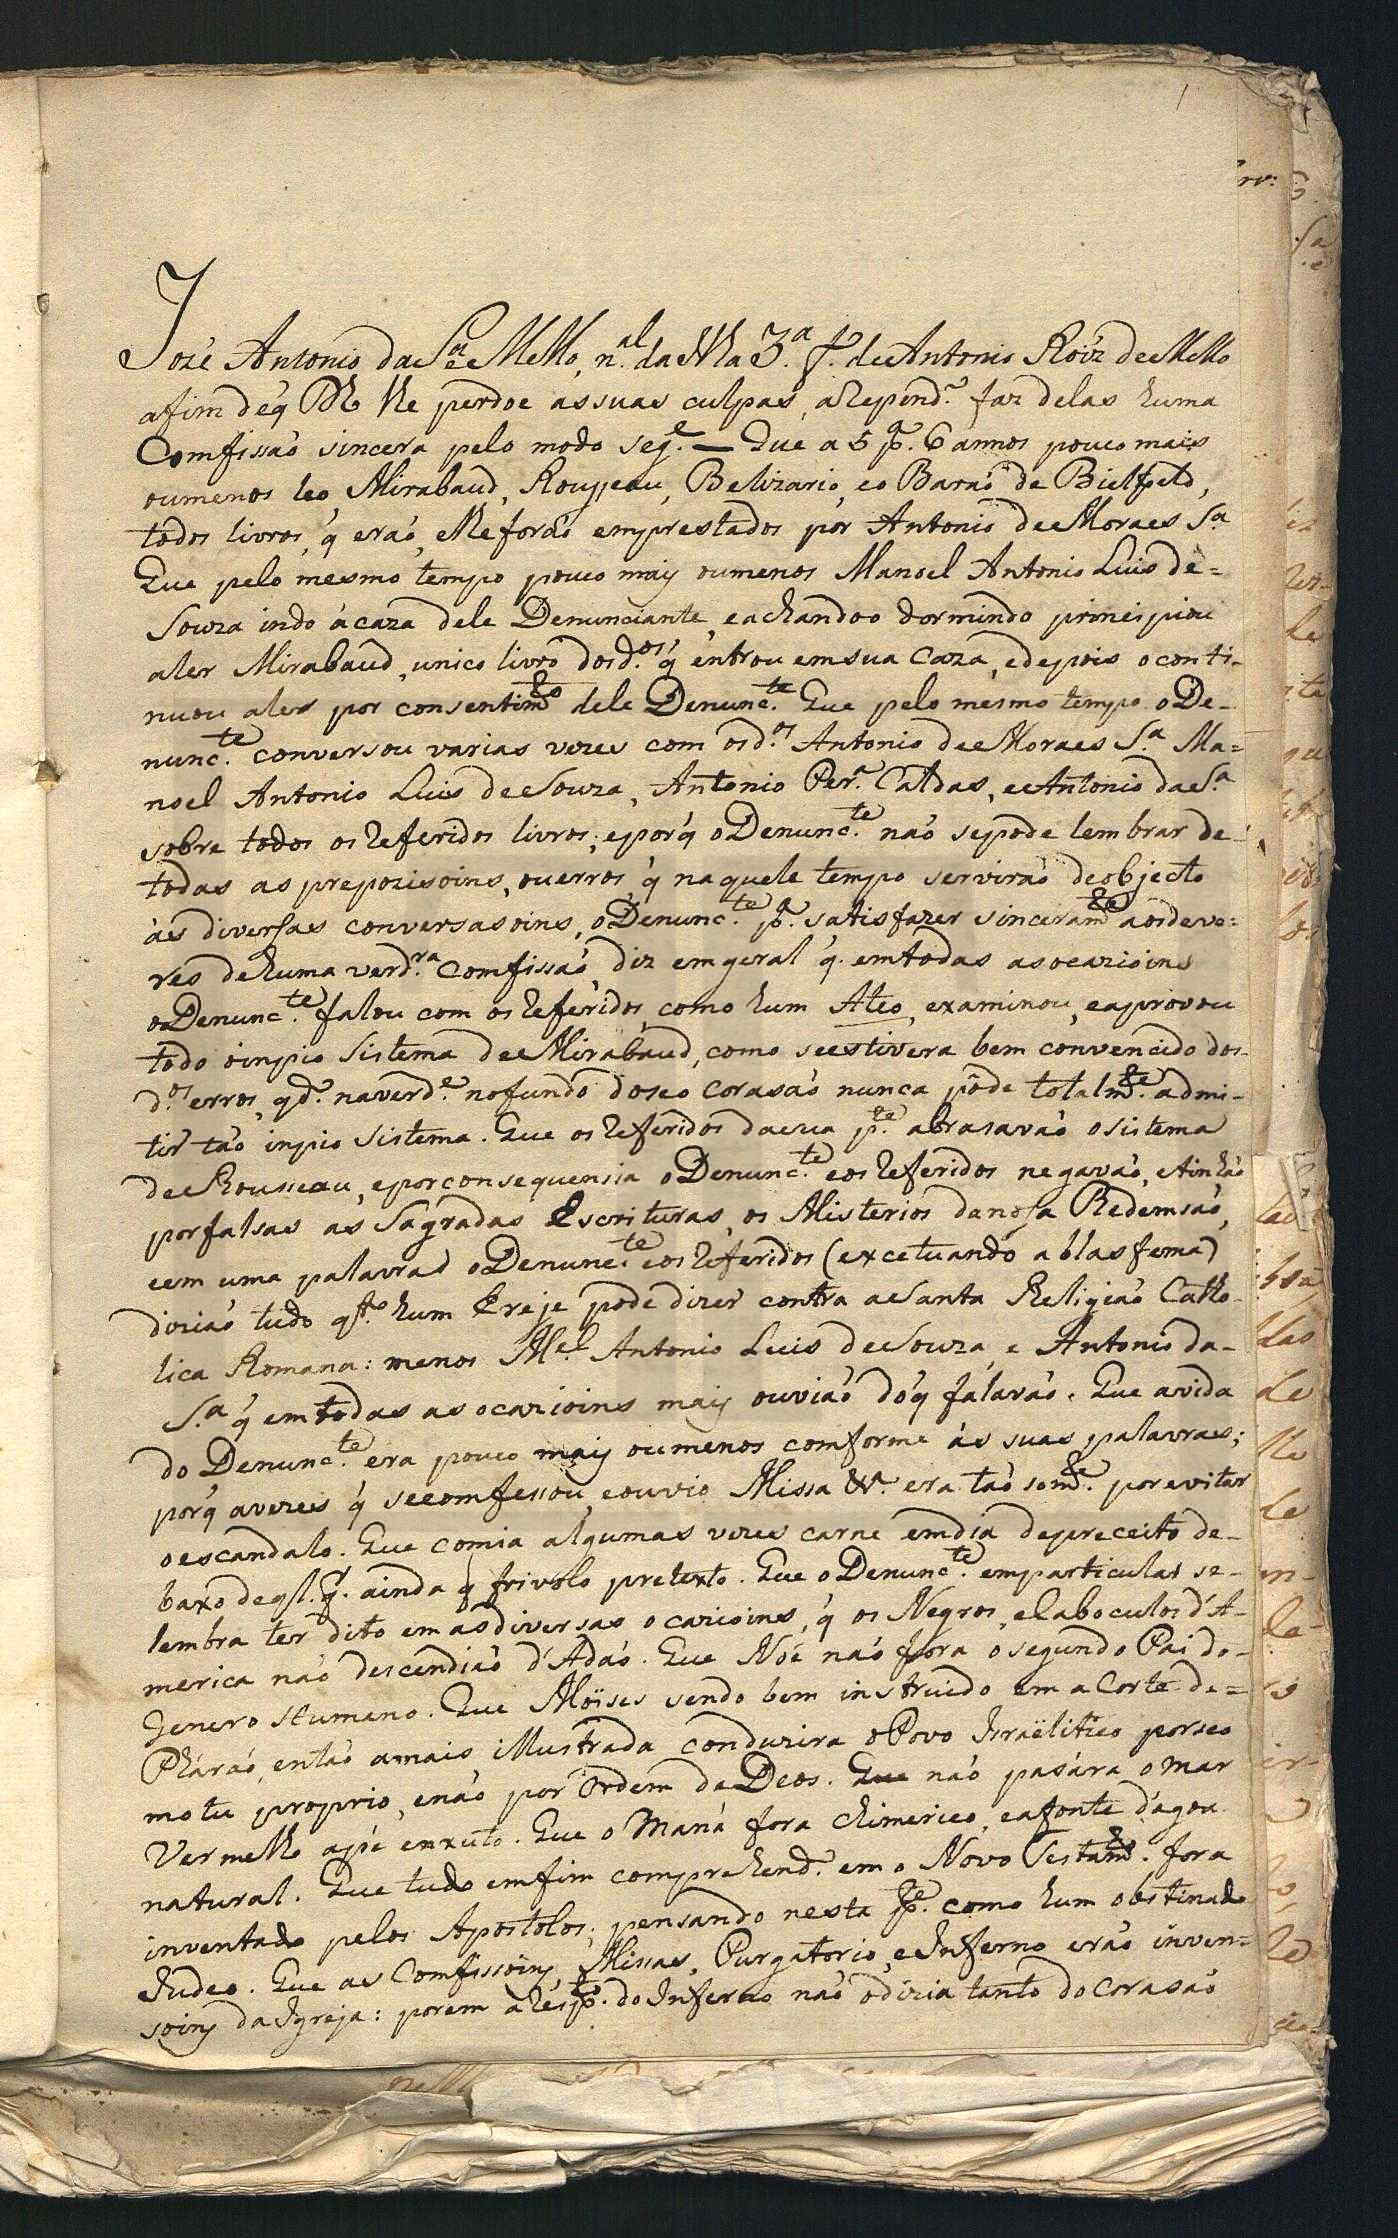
Iozé Antonio da S.a e Mello, n.al da Ilha 3.a f.o de Antonio Roiz̄ de Mello
afim de q̄ D̄ lhe perdoe as suas culpas, aRepend.o faz delas huma
Comfissaõ sincera pelo modo seg.e = Que a 5 p.a 6 annos pouco mais
ou menos leo Mirabaud, Rousseau, Belizario, e o Baraõ de Bielfacto,
todos livros, q̄ eraõ, e lhe foraõ emprestados por Antonio de Moraes S.a
Que pelo mesmo tempo pouco mais ou menos Manoel Antonio Luis de
Souza indo á caza dele Denunciante, e achandoo dormindo principiou
a ler Mirabaud, unico livro dos d.os q̄ entrou em sua Caza, e depois o conti
nuou a ler por consentim.to dele Denunc.te Que pelo mesmo tempo o De
nunc.te conversou varias vezes com os d.os Antonio de Moraes S.a Ma
noel Antonio Luis de Souza, Antonio Per.a Caldas, e Antonio da S.a
sobre todos os Referidos livros; e porq̄ o Denunc.te naõ se pode lembrar de
todas as prepozisoins, ou erros q̄ naquele tempo serviraõ de objecto
às diversas conversasoins, o Denunc.te p.a satisfazer sinceram.te aos deve
res de huma verd.ra comfissaõ, diz em geral q̄ em todas as ocazioins
o Denunc.te falou com os Referidos, como hum Ateo, examinou, e aprovou
todo o inpio sistema de Mirabaud, como se estivera bem convencido dos
d.os erros, qd.o na verd.e no fundo do seo corasaõ nunca pôde totalm.te admi
tir tão inpio sistema. Que os Referidos da sua p.te abrasavaõ o sistema
de Rousseau, e por consequensia o Denunc.te e os Referidos negavaõ, e tinhaõ
por falsas as Sagradas Escrituras, os Misterios da nosa Redemsaõ
com uma palavra o Denunc.te e os Referidos (excetuando a blasfema)
diziaõ tudo q.to hum Ereje pode dizer contra a Santa Religiaõ Catho
lica Romana: menos M.el Antonio Luis de Souza, e Antonio da
S.a q̄ em todas as ocazioins mais ouviaõ do q̄ falavaõ. Que a vida
do Denunc.te era pouco mais ou menos comforme às suas palavras;
porq̄ a vezes q̄ se comfessou, e ouvio Missa &r.a era taõsom.te por evitar
o escandalo: Que comia algumas vezes carne em dia de preceito de
baxo de q̄l.qr. ainda q̄ frivolo pretexto. Que o Denunc.te em particular se
lembra ter dito em as diversas ocazioins, q̄ os Negros, e Caboculos d'A
merica nao descendiaõ d'Adaõ. Que Noé naõ fora o segundo Pai do
Genero Humano. Que Moises sendo bem instruido em a Corte de
Pháraó, entaõ a mais illustrada conduzira o Povo Israelitico por seo
motu proprio, e naõ por ordem de Deos. Que naõ pasára o mar
Vermelho a pé enxuto. Que o Mana fora chimerico, e a fonte d'agoa
natural. Que tudo emfim comprehend.o em o Novo Testam.to fora
inventado pelos Apostolos; pensando nesta p.te como hum obstinado
Iudeo. Que as Comfissoins, Missas, Purgatorio, e Inferno eraõ inven
soins da Igreja: porem a Resp.to do Inferno naõ o dizia tanto do corasaõ
